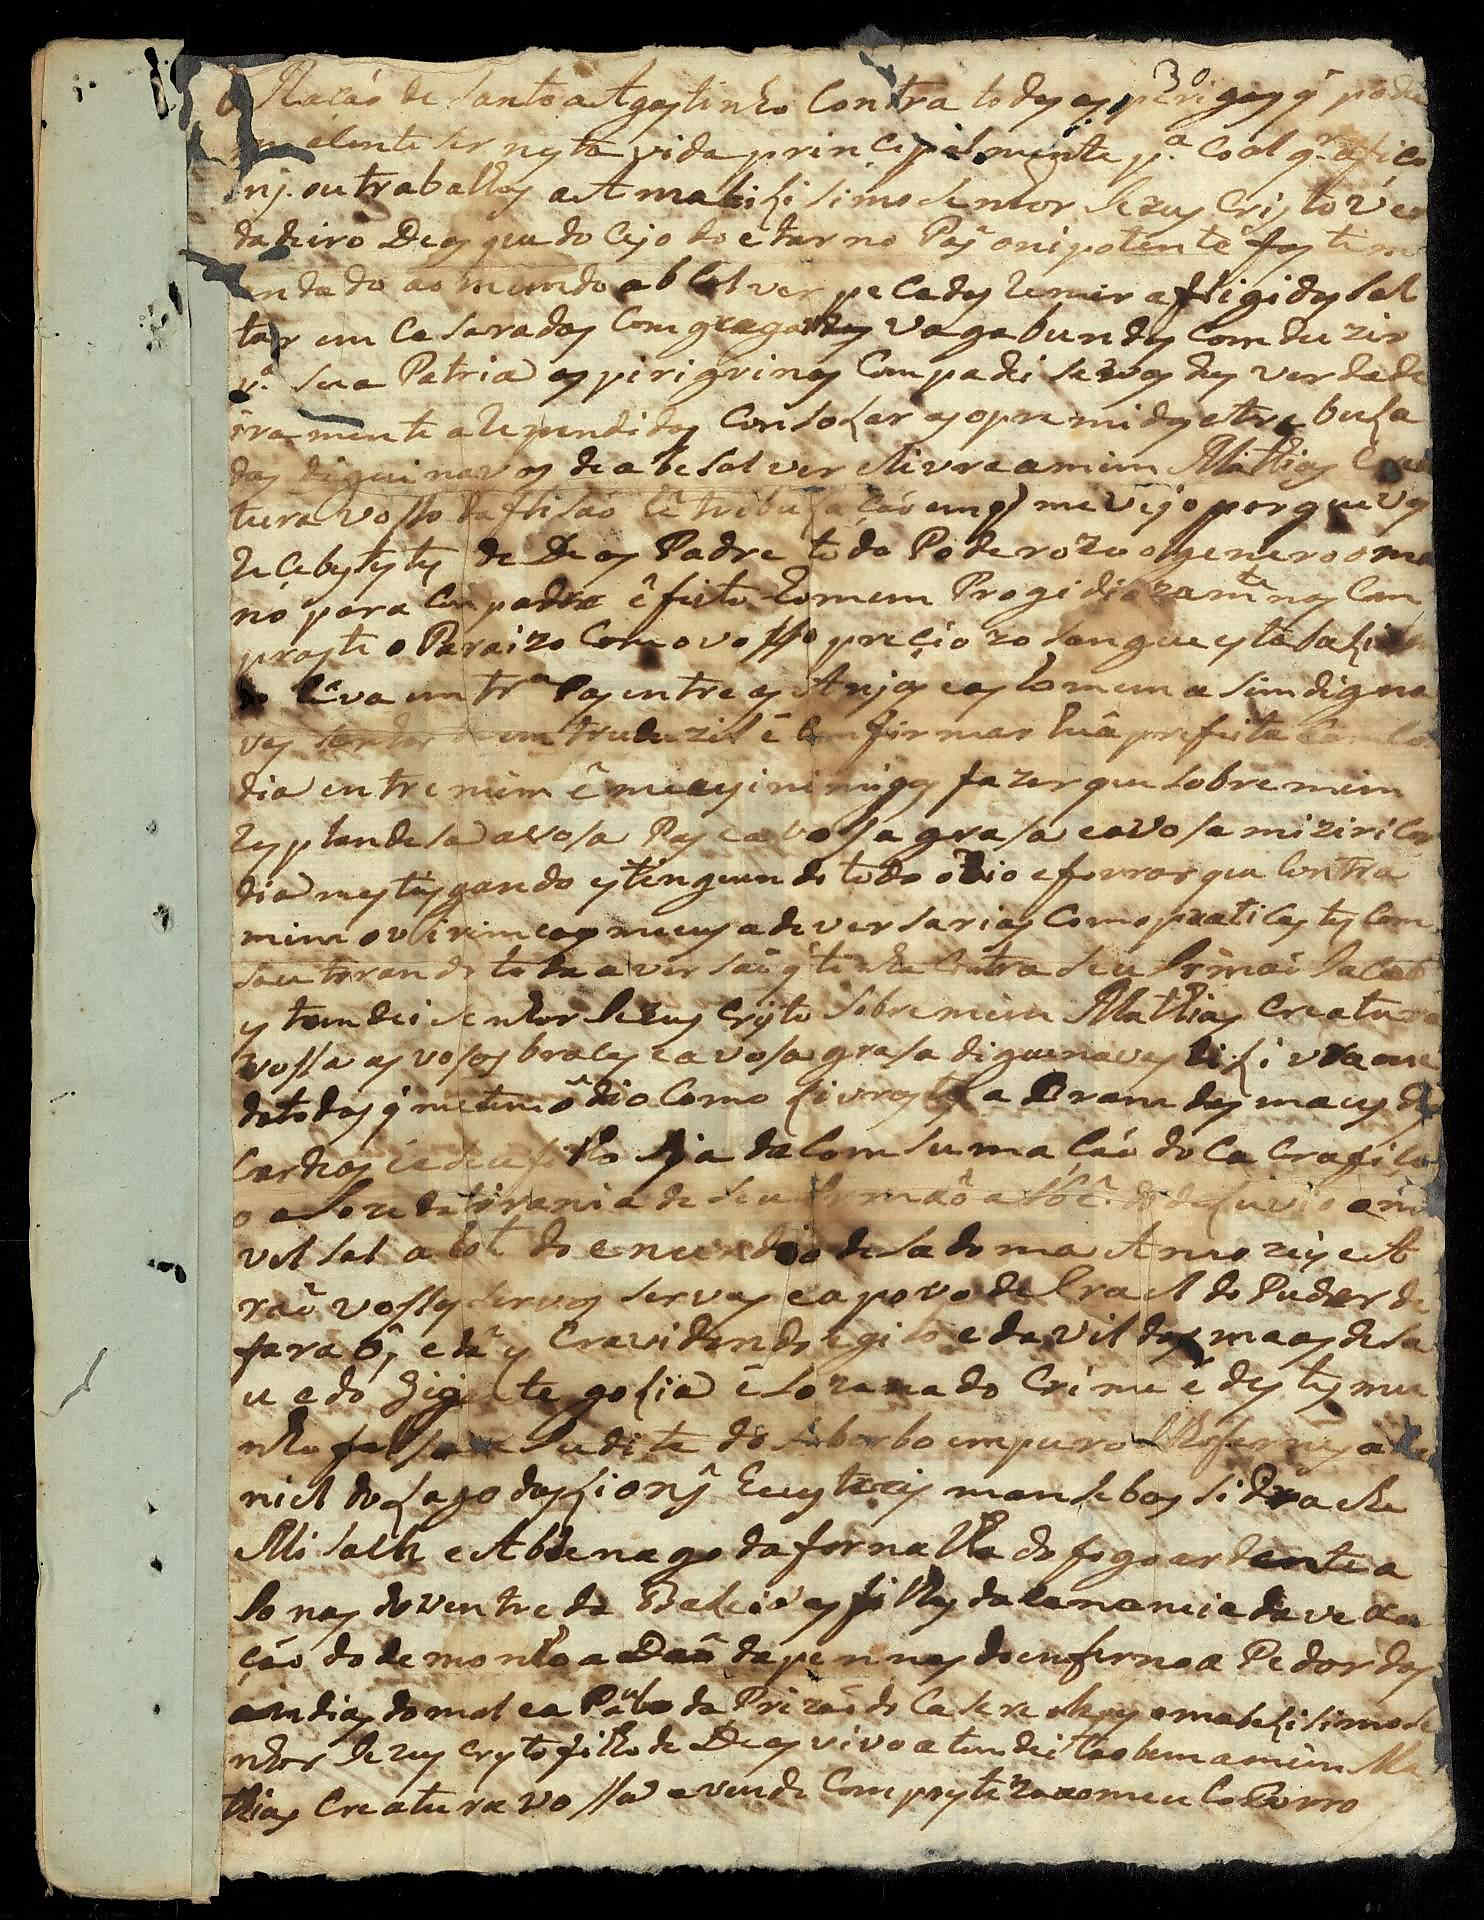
oRaçaõ de Santo aAgostinho Contra todos os perigos q̄ pode
aconteser nesta vida prinçipalmente p.a coalq.r ofiço
inj. ou trabalhos a Amabilisimo Senhor Iezus Cristo ver
dadeiro Deos que do cejo do eterno Paj onipotente fas tem
ndado as mando abColver pecados Remir afligidas sal
tar em casarados comgragados vagabundos comduzir
p.a sua Patria os pirigrinos Compadi sabeas das verdade
iramente aRependidos consoLar os opremidos e trebuLa
das digui novos de abesolver e livra a mim Mattias C
tura vosso da frisaõ hê trebuLaçaõ em q̄ me vejo porque vos
Reçebestes tes de Deos Padre todo Poderozo o genezo oma
no para conpadre, ê feito homem Progidiozam.te nos Com
praste o Paraizo Com o vosso preçiozo sangue está saLi
Lêva em tr.a Pay entre os Anjos e os homem asim digno
vos senhor de em trudezir e comfirmar huā prefeita ComCo
dia entre mim ê meus inimigos fazer que sobre mim
Resplandesa a vosa Pas e a vosa grasa e a vosa miziricor
dia mestisgando estingenos de todo odio e fovror que Contra
mim o vê vim e os meus adeversarios Como praticas tes Com
seutirando toda a versaõ q̄ tinha Contra seu Irmaõ Iacob
estamdei[?] Senhor Iezus Cristo sobre mim Mathias Criatura
vossa as vosos bracos e a vosa grasa diguenavas diló vVa me
da todas q̄ metem odio Como Livrastes a Dram[?] das maies dos
Cardos i a seu filho Sja da ComsumaÇaõ do Ca Crafiça
o a Ioze da tirania de Seu Irmaõ a Noê do deLuvio a n
vel ser a Lot do emundo de Sadoma Anno zeis e A
raõ vossos servos servas e a povo de lrael do Puder de
faraó, e dá esCravidando Egito e da vil das maos de sa
u e do Gigante golia ē sozana do Crime e destes mu
nho falsa a Iudite do soberbo empuro de lhofernes a Da
niel do Lago dos Lions E nos treis mansebos Sidrache
Misach e Abdenago da fornalha do fogo ardente a
Ionas do ventre da Baleia as filhas da cananeia da vexa
çaõ do demonho aDaõ da pennas do inferno a Pedor das
andias do mal e a Paulo da Prizaõ do Casere olhpes amabeLisimo se
nhor Iezus cristo filho de Deos vivo atemdei taobem a mim Mar
thias Creatura vossa avendo Compresteza ao meu CoCorro
